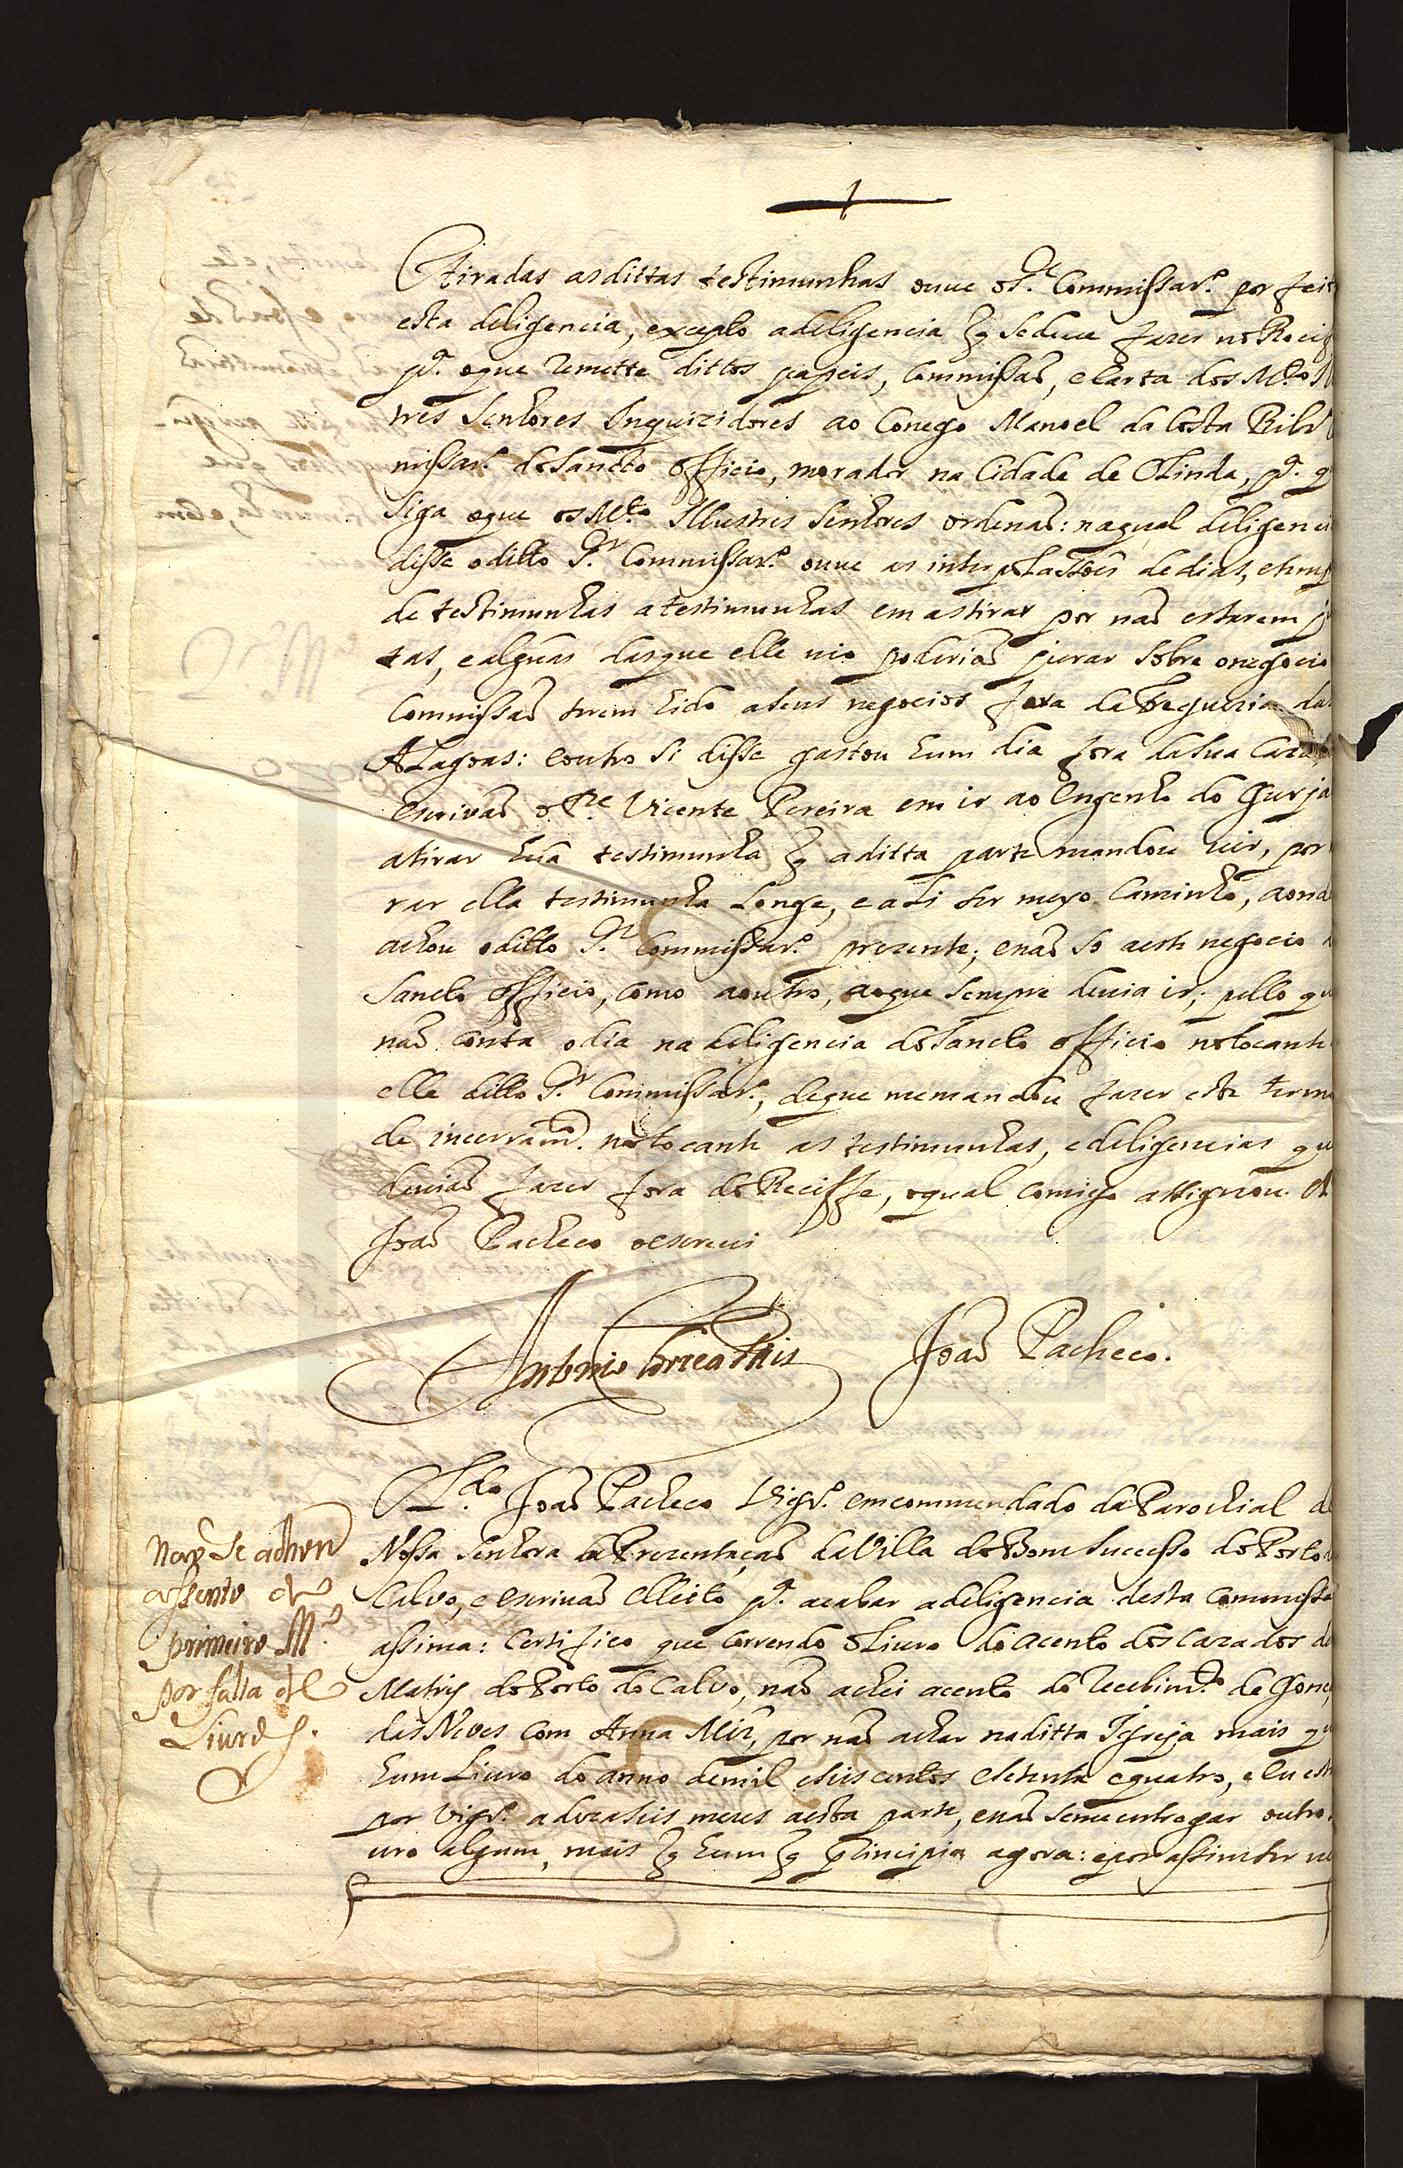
E tiradas as dittas testimunhas ouue o S.r Commissar.o por feit
esta deligencia, excepto a deligencia q̄ se deue fazer no Recif
p.a o que remette dittos papeis, Commissaõ, e Carta dos M.to I
tres Senhores Inquizidores ao Conego Manoel da Costa Ribro
missar.o do Sancto officio, morador na Cidade de Olinda, p.a q̄
siga o que os M.to Illustres Senhores ordenaõ: na qual deligenci
disse o ditto S.or Commissar.o ouue as interpoLassoẽs de dias, e temp
de testimunhas a testimunhas em as tirar por naõ estarem j
tas, e alguās das que elle uio poderiaõ jurar sobre o negocio
commissaõ terem hido a seus negocios fora da Freguezia das
ALagoas: e outrosi disse gastou hum dia fora da sua Caza
Escrivaõ o P.e Vicente Pereira em ir ao Engenho do Gurja
a tirar huā testimunha q̄ a ditta parte mandou uir, por
rar ella testimunha Longe, e ali ser meyo Caminho, aond
achou o ditto S.r Commissar.o prezente; e naõ só a este negocio
Sancto officio, como a outros, ao que sempre deuia ir; pello q̄
não conta o dia na deligencia do Sancto officio no tocante
elle ditto S.r Commissar.o, de que me mandou fazer este termo
de incerramto. no tocante as testimunhas, e deligencias qu
deuiaõ fazer fora de Reciffe, o qual comigo assignou d
Joaõ Pacheco o escreui
Joaõ Pacheco.
Antonio Correa Miz
O L.do Joaõ Pacheco Vigr.o emcommendado da Parochial d
Nossa Senhora da Prezentaçaõ da Villa do Bom Successo do Porto
Calvo, e escriuão elleito p.a acabar a deligencia desta commissa
assima: Certifico que correndo o Liuro do acento dos cazados d
Matris do Porto do Calvo, naõ achei acento do Recebim.to de Gonç
das Neves com Anna Miz̄, por naõ achar na ditta Igreja mais qu
hum Liuro do anno de mil e seiscentos e setenta e quatro, e Eu es
por vigr.o a dezaseis mezes a esta parte, e naõ sem entregar outro
uro algum, mais q̄ hum q̄ principia agora: e por assim ser ue
naõ se achou
assento do
primeiro M.o
por falta de
Liuros.
